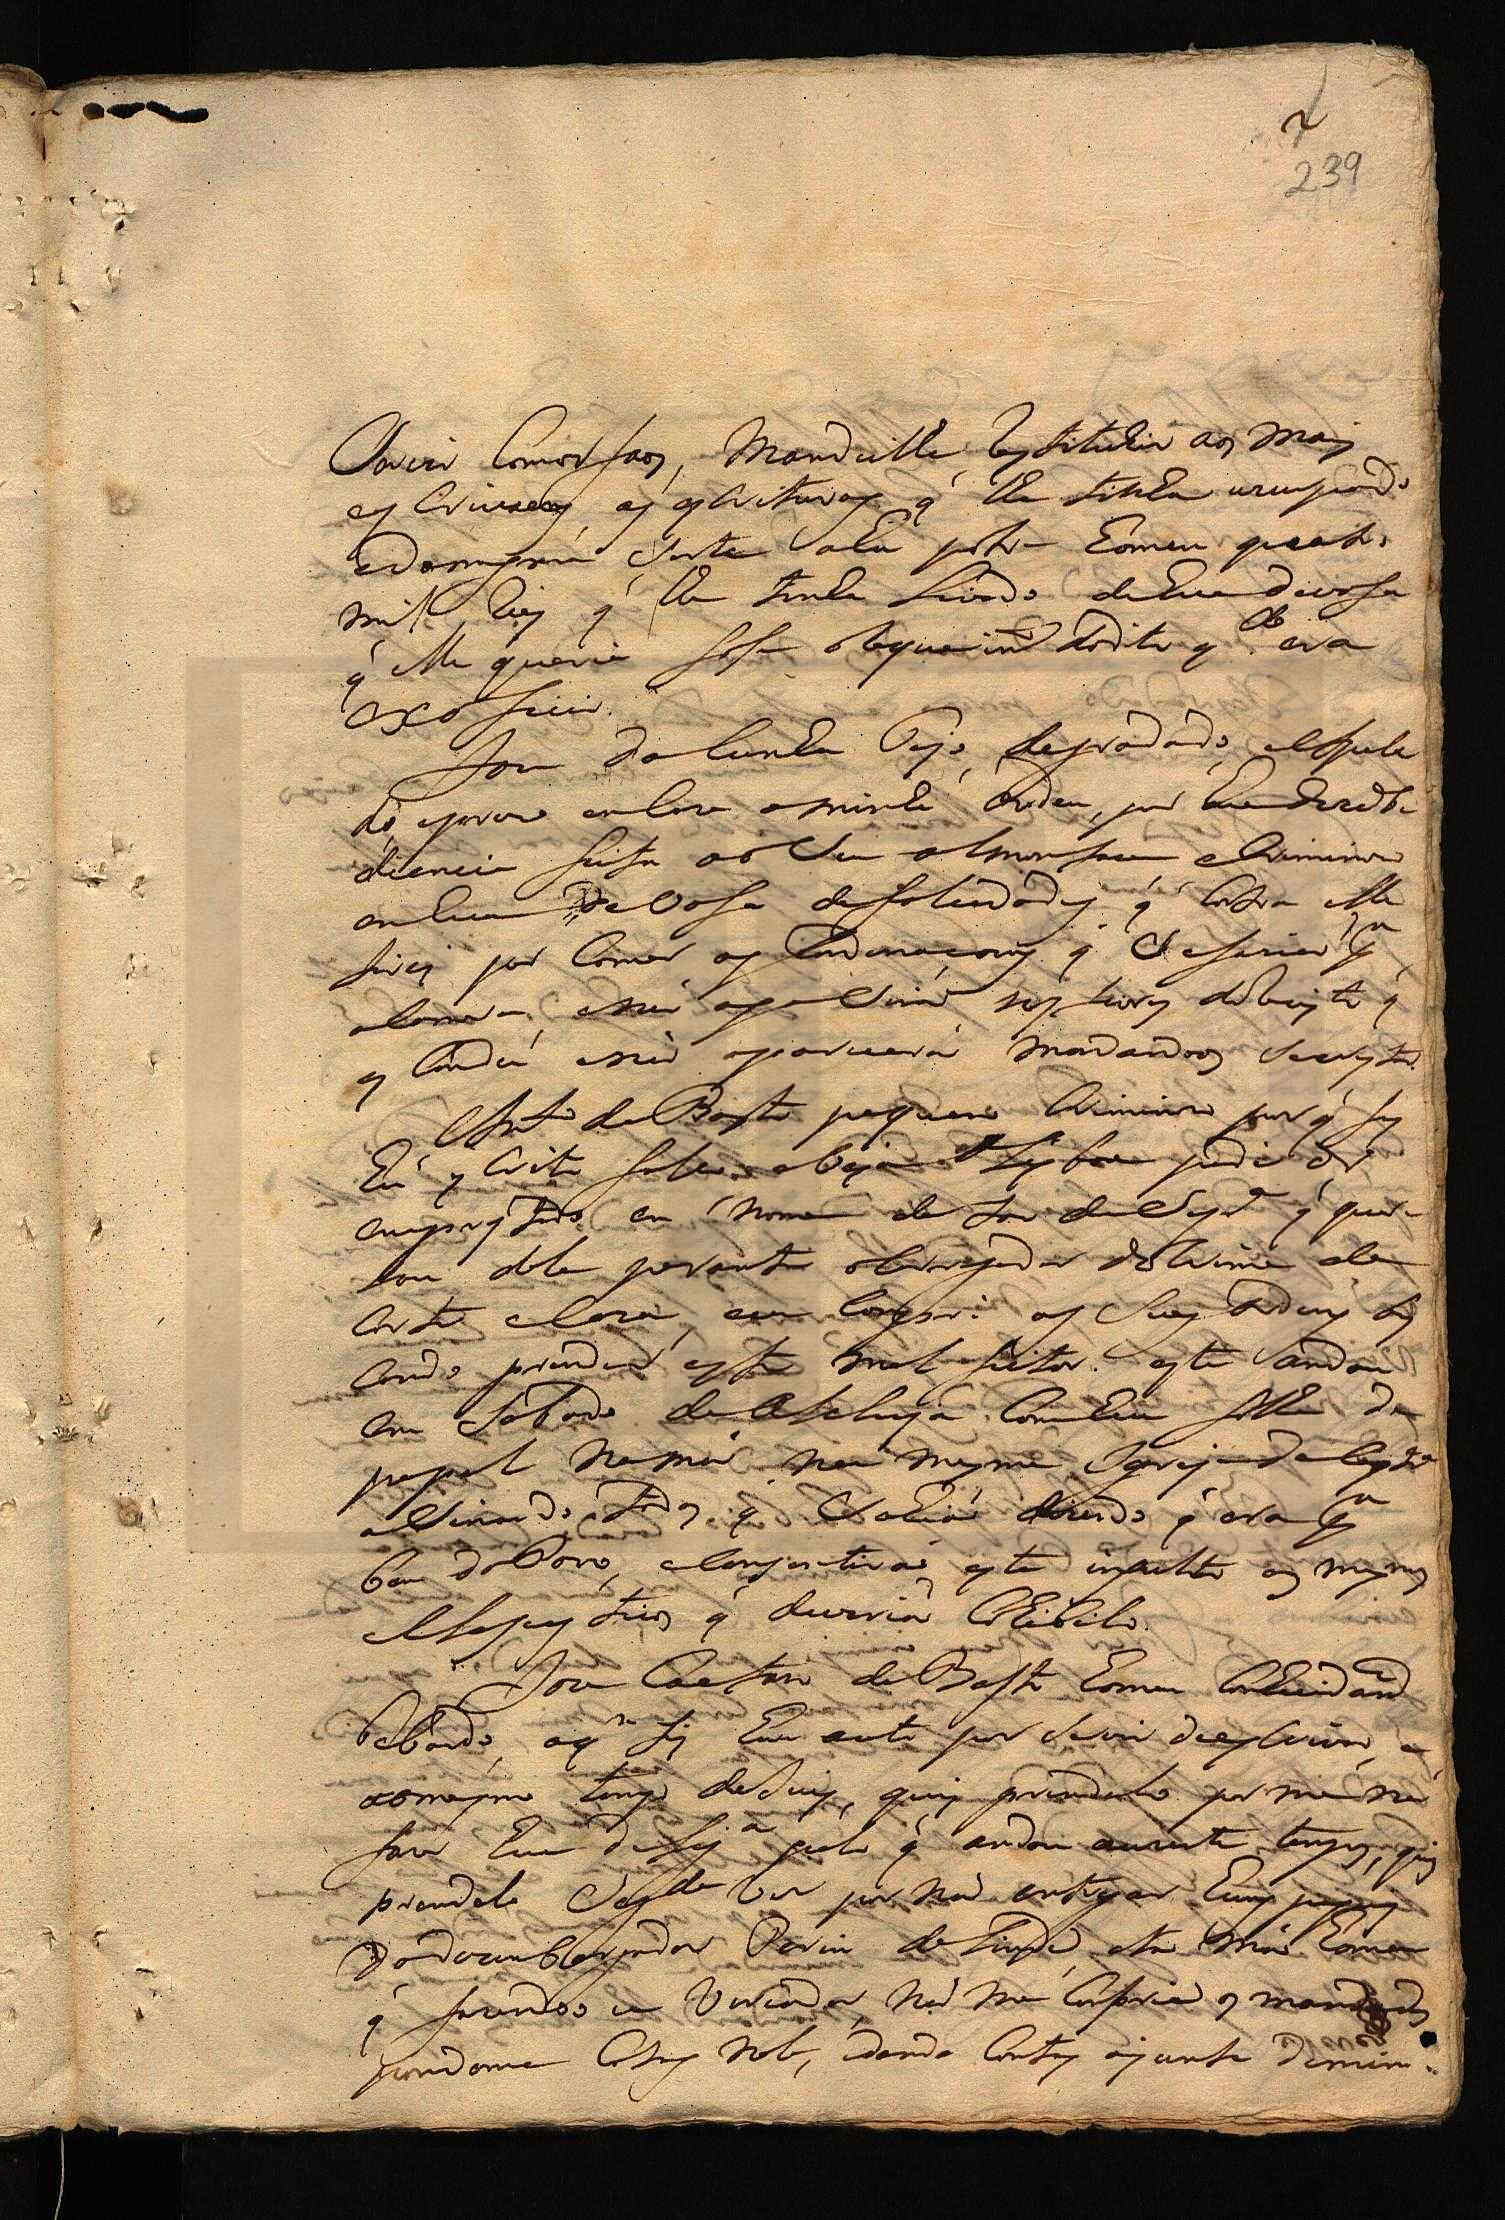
Servir Com orfaos, Mandeilhe Restituhir aos mais
esCrivaes, as escrituras q̄ lhe tinha uzurpado
e da mesma sorte a hu posto- homen quatro
mil Reis q̄ lhe tinha Levado de hua devasa
q̄ elle queria fose o Requerimto do dito q.do era
ex oficio.
Joze da Cunha Fejo, degradado, e Apela
do, e prezo em Caza a minha orden, por hua dezobe
diencia feita ao Seu almortace, e Criminozo
en hua devasa de falcidades q̄ Contra elle
Jurei por Correr as Condenaçons q̄ Se fariaõ p.r
a Correr-, e naõ o q seria nos Livros do Visto q̄
esCondeu e naõ aparecera madandoos secuestar
Anto de Basto pequeno Criminozo porq̄ fes
hū esCrito falço e vejo A Lisboa pedi dro
emporq tudo en nome de Joze de Seqr.a q̄ quar
tou dele porante o Corregedor do Crime de
Corte e Caza, em Corpori as Suas ordens dis
Cendo porender este malfeitor. este andou
Em Sabado de Aleluja. Com hua folha de
papel na maõ na mesma Igreja de Castra
asinando todos q̄ Sahiaõ dizendo q̄ era pa
bem do Povo, e consentiraõ este inxulto os mesmos
eClesiasticos q̄ deveriaõ Cohibilo.
Joze Caetano de Basto homen Conhecidamte
bebado, a qm fis hum auto por servir de esCrivan, e
ao mesmo tempo de Iuis, quis prendelo por menaõ
fazer hua deLiga pelo q̄ andou auzente tenpos, quis
prendelo Segda vez por naõ entregar huns papeis
do dezembargador Perseu de Linde, e hu máo homen
q̄ fazendoo eu Vereador, naõ me Conferia os mandados
pondome Cotas nele, e dando Contas a junta de mim.
